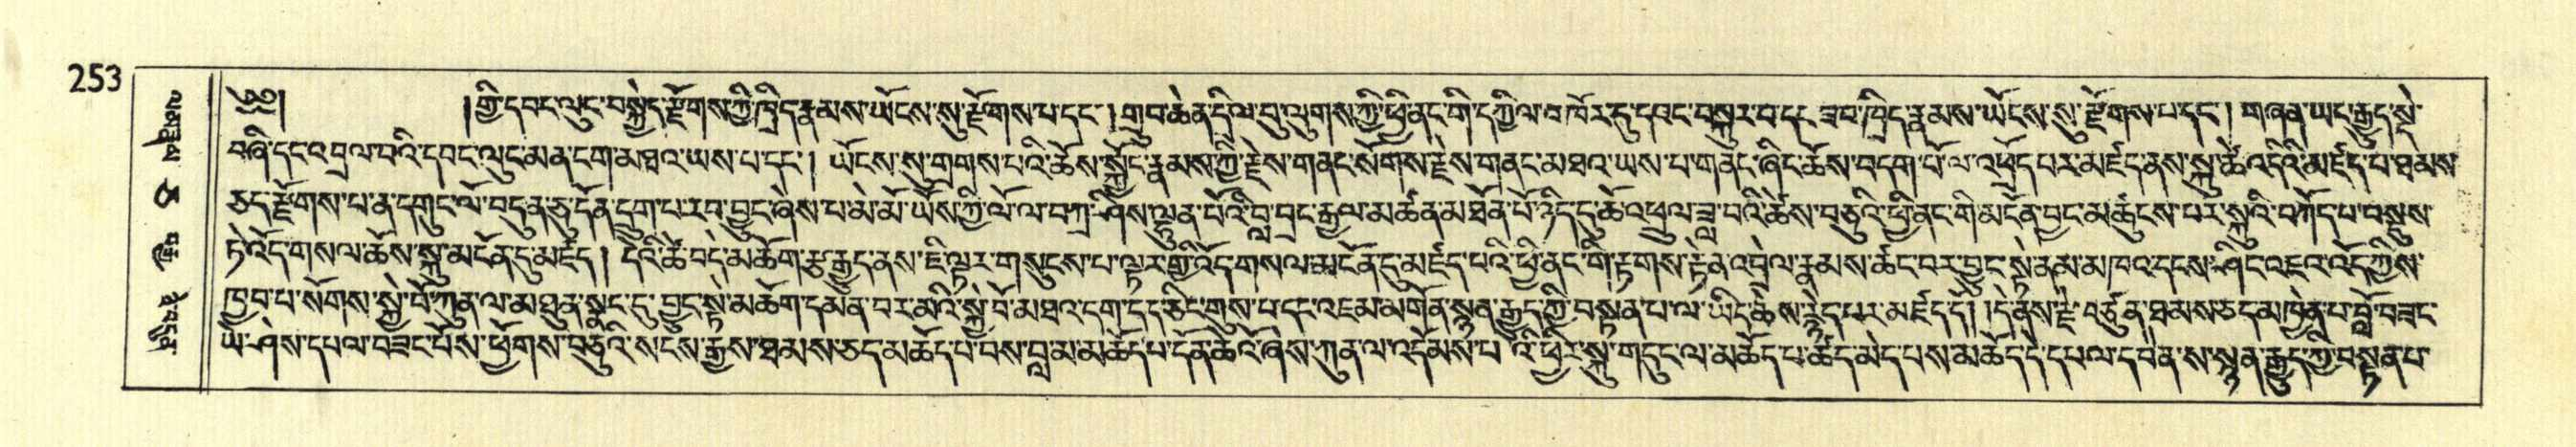༄༅། །གྱི་དབང་ལུང་བསྐྱེད་རྫོགས་ཀྱི་ཁྲིད་རྣམས་ཡོངས་སུ་རྫོགས་པ་དང་། གྲུབ་ཆེན་དྲིལ་བུ་ལུགས་ཀྱི་ཕྱི་ནང་གི་དཀྱིལ་འཁོར་དུ་དབང་བསྐུར་བ་དང་ཟབ་ཁྲིད་རྣམས་ཡོངས་སུ་རྫོགས་པ་དང་། གཞན་ཡང་རྒྱུད་སྡེ་
བཞི་དང་འབྲལ་བའི་དབང་ལུང་མན་ངག་མཐའ་ཡས་པ་དང་། ཡོངས་སུ་གྲགས་པའི་ཆོས་སྐྱོང་རྣམས་ཀྱི་རྗེས་གནང་སོགས་རྗེས་གནང་མཐའ་ཡས་པ་གནང་ཞིང་ཆོས་བདག་པོ་ལ་འཕྲོད་པར་མཛད་ནས་སྐུ་ཚེ་འདིའི་མཛད་པ་ཐམས་
ཅད་རྫོགས་པ་ན་དགུང་ལོ་བདུན་ཅུ་དོན་དྲུག་པ་རབ་བྱུང་ཞེས་པ་མེ་མོ་ཡོས་ཀྱི་ལོ་ལ་བཀྲ་ཤིས་ལྷུན་པོའི་བླ་བྲང་རྒྱལ་མཚན་མཐོན་པོ་ཉིད་དུ་ཆོ་འཕྲུལ་ཟླ་བའི་ཚེས་བཅུའི་ཕྱི་ནང་གི་མངོན་བྱང་མཚུངས་པར་སྐུའི་བཀོད་པ་བསྡུས་
ཏེ་འོད་གསལ་ཆོས་སྐུ་མངོན་དུ་མཛད། དེའི་ཚེ་བདེ་མཆོག་རྩ་རྒྱུད་ནས་ཇི་ལྟར་གསུངས་པ་ལྟར་གྱི་འོད་གསལ་མངོན་དུ་མཛད་པའི་ཕྱི་ནང་གི་རྟགས་རྟེན་འབྲེལ་རྣམས་ཚང་བར་བྱུང་སྟེ་ནམ་མཁའ་དངས་ཤིང་འཇའ་འོད་ཀྱིས་
ཁྱབ་པ་སོགས་སྐྱེ་བོ་ཀུན་ལ་མཐུན་སྣང་དུ་བྱུང་སྟེ་མཆོག་དམན་བར་མའི་སྐྱེ་བོ་མཐའ་དག་དད་ཅིང་གུས་པ་དང་འཇམ་མགོན་སྙན་རྒྱུད་ཀྱི་བསྟན་པ་ལ་ཡིད་ཆེས་རྙེད་པར་མཛད་དོ། །དེ་ནས་རྗེ་བཙུན་ཐམས་ཅད་མཁྱེན་པ་བློ་བཟང་
ཡེ་ཤེས་དཔལ་བཟང་པོས་ཕྱོགས་བཅུའི་སངས་རྒྱས་ཐམས་ཅད་མཆོད་པ་བས་བླ་མ་མཆོད་པ་དོན་ཆེའོ་ཞེས་ཀུན་ལ་འདོམས་པའི་ཕྱིར་སྐུ་གདུང་ལ་མཆོད་པ་ཚད་མེད་པས་མཆོད་དེ་དཔལ་དབེན་ས་སྙན་རྒྱུད་ཀྱི་བསྟན་པ་